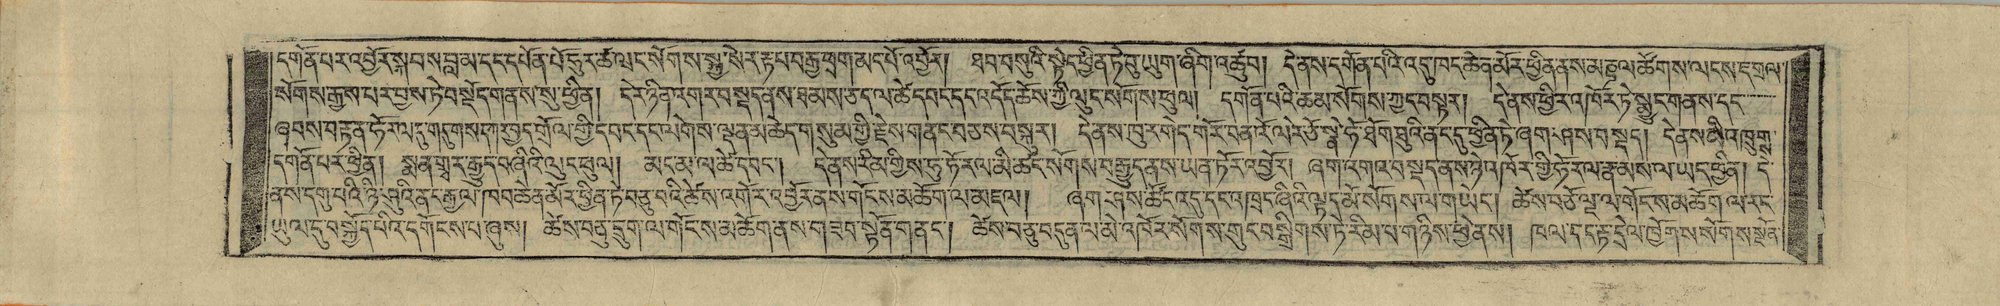དགོན་པར་འབྱོར་སྐབས་བླ་མ་དང་དཔོན་པོ་ཧུར་ཚ་ཝང་སོགས་སྐྱ་སེར་རྟ་པ་བརྒྱ་ཕྲག་མང་པོ་འབྱོར། ཐབ་བསུའི་སྟེང་ཕྱིན་ཏེ་བུ་ཡུག་ཞིག་འཚུབ། དེ་ནས་དགོན་པའི་འདུ་ཁང་ཆེན་མོར་ཕྱིན་ནས་མཎྜལ་ཚོགས་ལངས་ཇ་གྲལ་
སོགས་རྒྱས་པར་བྱས་ཏེ་བསྡོད་གནས་སུ་ཕྱིན། དེར་ཉིན་འགར་བསྡད་ནས་ཐམས་ཅད་ལ་ཚེ་དབང་དང་འདོད་ཆོས་ཀྱི་ལུང་སོགས་ཕུལ། དགོན་པའི་ཆམ་སོགས་ཀྱང་བསྟར། དེ་ནས་ཕྱིར་འཁོར་ཏེ་སྨྱུང་གནས་དང་
ཞབས་བརྟན་ཧོ་རལ་དུ་གདུགས་དཀར་བྱད་གྲོལ་གྱི་དབང་དང་ལེགས་ལྡན་མཆེད་གསུམ་གྱི་རྗེས་གནང་བཅས་བསྐུར། དེ་ནས་ཁུར་གེད་གོར་བན་འོ་ལེར་ཅོ་སྣེ་ཧོ་ཐོག་ཐུའི་ནང་དུ་ཕྱིན་ཏེ་ཞག་ཤས་བསྡད། དེ་ནས་མི་འཁྲུགས་
དགོན་པར་ཕྱིན། སྨན་གྲྭར་རྒྱུད་བཞིའི་ལུང་ཕུལ། མང་མ་ལ་ཚེ་དབང་། དེ་ནས་རིམ་གྱིས་ཧུ་ཧོ་རལ་མི་ཚང་སོགས་བརྒྱུད་ནས་ཡན་ཏོར་འབྱོར། ཞག་འགའ་བསྡད་ནས་ཉེ་འཁོར་གྱི་ཧོར་ལ་རྣམས་ལ་ཡང་ཕྱིན། དེ་
ནས་དགུ་པའི་ཉི་ཤུའི་ནང་རྒྱལ་ཁབ་ཆེན་མོར་ཕྱིན་ཏེ་བཅུ་བའི་ཚེས་འགོར་འབྱོར་ནས་གོང་ས་མཆོག་ལ་མཇལ། ཞག་ཤས་ཚོང་འདུ་དང་འཁྲང་ཞིའི་ལྟད་མོ་སོགས་ལ་གཡེང་། ཚེས་བཅོ་ལྔ་ལ་གོང་ས་མཆོག་ལ་རང་
ཡུལ་དུ་བསྐྱོད་པའི་དགོངས་པ་ཞུས། ཚེས་བཅུ་དྲུག་ལ་གོང་ས་མཆོག་ནས་གཟབ་སྟོན་གནང་། ཚེས་བཅུ་བདུན་ལ་མེ་འཁོར་སོགས་གུང་བསྒྲིགས་ཏེ་རིམ་པ་གཉིས་ཕྱེ་ནས། ཁལ་དང་རྟ་དྲེལ་ཁྱོགས་སོགས་སྔོན་